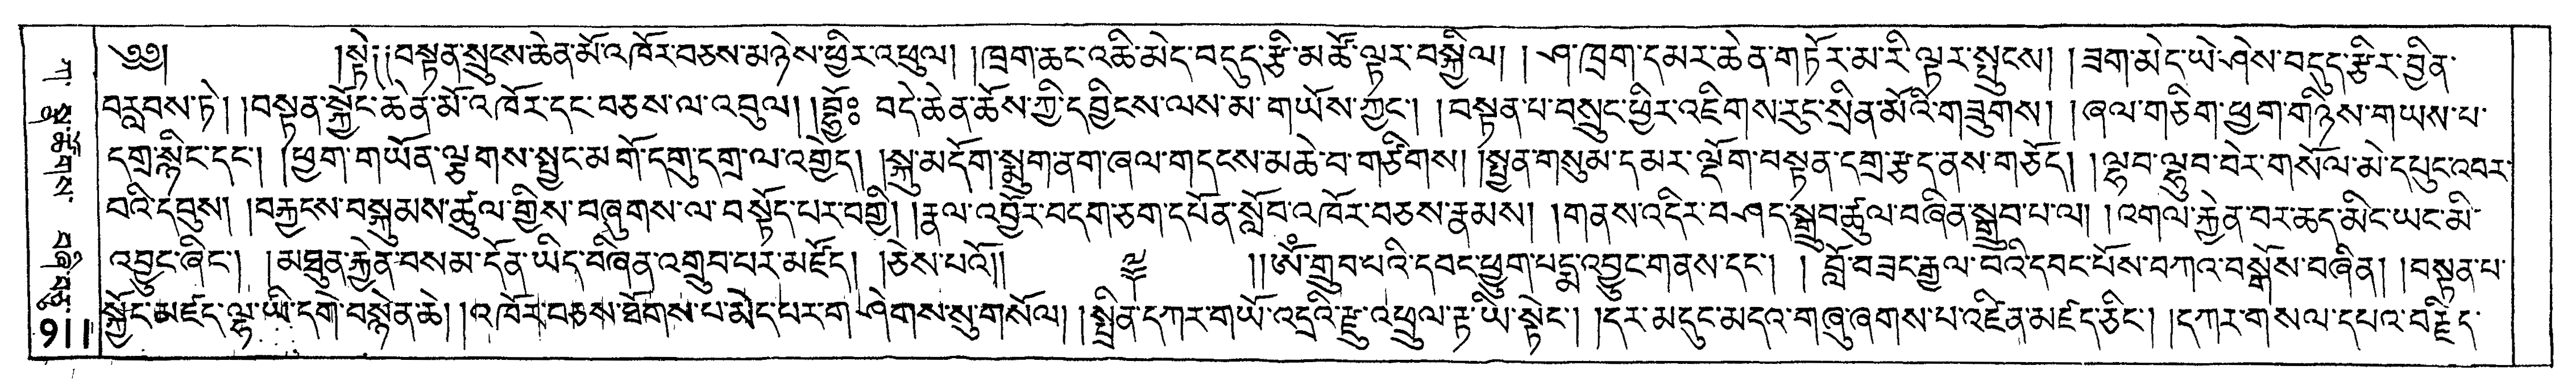༄༅། །སྟེ༑ ༑བསྟན་སྲུངས་ཆེན་མོ་འཁོར་བཅས་མཉེས་ཕྱིར་འཕུལ། །ཁྲག་ཆང་འཆི་མེད་བདུད་རྩི་མཚོ་ལྟར་བསྐྱིལ། །ཤ་ཁྲག་དམར་ཆེན་གཏོར་མ་རི་ལྟར་སྤུངས། །ཟག་མེད་ཡེ་ཤེས་བདུད་རྩིར་བྱིན་
བརླབས་ཏེ། །བསྟན་སྐྱོང་ཆེན་མོ་འཁོར་དང་བཅས་ལ་འབུལ། །བྷྱོཿ བདེ་ཆེན་ཆོས་ཀྱི་དབྱིངས་ལས་མ་གཡོས་ཀྱང་། །བསྟན་པ་བསྲུང་ཕྱིར་འཇིགས་རུང་སྲིན་མོའི་གཟུགས། །ཞལ་གཅིག་ཕྱག་གཉིས་གཡས་པ་
དགྲ་སྙིང་དང་། །ཕྱག་གཡོན་ལྕགས་སྤྱང་མགོ་དགུ་དགྲ་ལ་འགྱེད། །སྐུ་མདོག་སྨུག་ནག་ཞལ་གདངས་མཆེ་བ་གཙིགས། །སྤྱན་གསུམ་དམར་ལྡོག་བསྟན་དགྲ་རྩད་ནས་གཅོད། །ལྷབ་ལྷུབ་བེར་གསོལ་མེ་དཔུང་འབར་
བའི་དབུས། །བརྐྱངས་བསྐུམས་ཚུལ་གྱིས་བཞུགས་ལ་བསྟོད་པར་བགྱི། །རྣལ་འབྱོར་བདག་ཅག་དཔོན་སློབ་འཁོར་བཅས་རྣམས། །གནས་འདིར་བཤད་སྒྲུབ་ཚུལ་བཞིན་སྒྲུབ་པ་ལ། །འགལ་རྐྱེན་བར་ཆད་མིང་ཡང་མི་
འབྱུང་ཞིང་། །མཐུན་རྐྱེན་བསམ་དོན་ཡིད་བཞིན་འགྲུབ་པར་མཛོད། །ཅེས་པའོ།། ༈ །།ཨོཾ་གྲུབ་པའི་དབང་ཕྱུག་པདམ་འབྱུང་གནས་དང་། །བློ་བཟང་རྒྱལ་བའི་དབང་པོས་བཀའ་བསྒོས་བཞིན། །བསྟན་པ་
སྐྱོང་མཛད་ལྷ་ཡི་དགེ་བསྙེན་ཆེ། །འཁོར་བཅས་ཐོགས་པ་མེད་པར་གཤེགས་སུ་གསོལ། །སྤྲིན་དཀར་གཡོ་འདྲའི་རྫུ་འཕྲུལ་རྟ་ཡི་སྟེང་། །དར་མདུང་མདའ་གཞུ་ཞགས་པ་འཛིན་མཛད་ཅིང་། །དཀར་གསལ་དཔའ་བརྗིད་